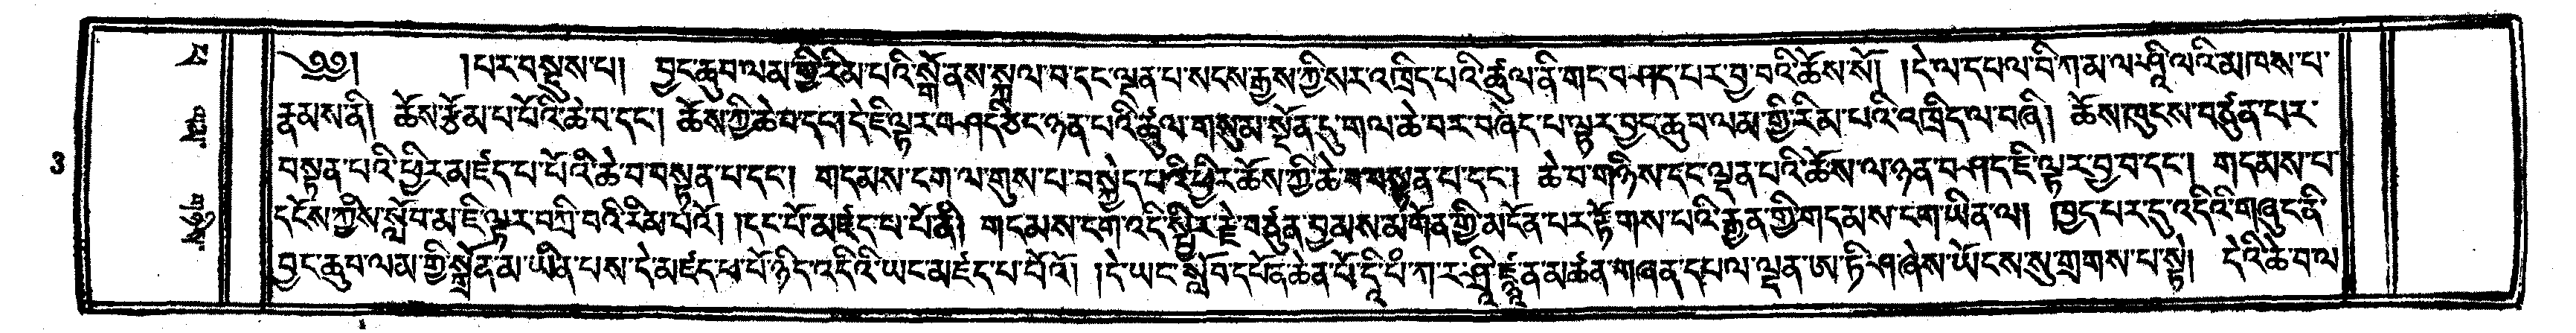༄༅། །པར་བསྡུས་པ། བྱང་ཆུབ་ལམ་གྱི་རིམ་པའི་སྒོ་ནས་སྐལ་བ་དང་ལྡན་པ་སངས་རྒྱས་ཀྱི་སར་འཁྲིད་པའི་ཚུལ་ནི་གང་བཤད་པར་བྱ་བའི་ཆོས་སོ། །དེ་ལ་དཔལ་བི་ཀ་མ་ལ་ཤཱི་ལའི་མཁས་པ་
རྣམས་ནི། ཆོས་རྩོམ་པ་པོའི་ཆེ་བ་དང་། ཆོས་ཀྱི་ཆེ་བ་དང་། དེ་ཇི་ལྟར་བཤད་ཅིང་ཉན་པའི་ཚུལ་གསུམ་སྔོན་དུ་གལ་ཆེ་བར་བཞེད་པ་ལྟར་བྱང་ཆུབ་ལམ་གྱི་རིམ་པའི་འཁྲིད་ལ་བཞི། ཆོས་ཁུངས་བཙུན་པར་
བསྟན་པའི་ཕྱིར་མཛད་པ་པོའི་ཆེ་བ་བསྟན་པ་དང་། གདམས་ངག་ལ་གུས་པ་བསྐྱེད་པའི་ཕྱིར་ཆོས་ཀྱི་ཆེ་བ་བསྟན་པ་དང་། ཆེ་བ་གཉིས་དང་ལྡན་པའི་ཆོས་ལ་ཉན་བཤད་ཇི་ལྟར་བྱ་བ་དང་། གདམས་པ་
དངོས་ཀྱིས་སློབ་མ་ཇི་ལྟར་བཀྲི་བའི་རིམ་པའོ། །དང་པོ་མཛད་པ་པོ་ནི། གདམས་ངག་འདི་སྤྱིར་རྗེ་བཙུན་བྱམས་མགོན་གྱི་མངོན་པར་རྟོགས་པའི་རྒྱན་གྱི་གདམས་ངག་ཡིན་ལ། ཁྱད་པར་དུ་འདིའི་གཞུང་ནི་
བྱང་ཆུབ་ལམ་གྱི་སྒྲོན་མ་ཡིན་པས་དེ་མཛད་ཕ་པོ་ཉིད་འདིའི་ཡང་མཛད་པ་པོའོ། །དེ་ཡང་སློབ་དཔོན་ཆེན་པོ་དཱི་པཾ་ཀ་ར་ཤྲཱི་ཛྙཱ་ན་མཚན་གཞན་དཔལ་ལྡན་ཨ་ཏི་ཤ་ཞེས་ཡོངས་སུ་གྲགས་པ་སྟེ། དེའི་ཆེ་བ་ལ་